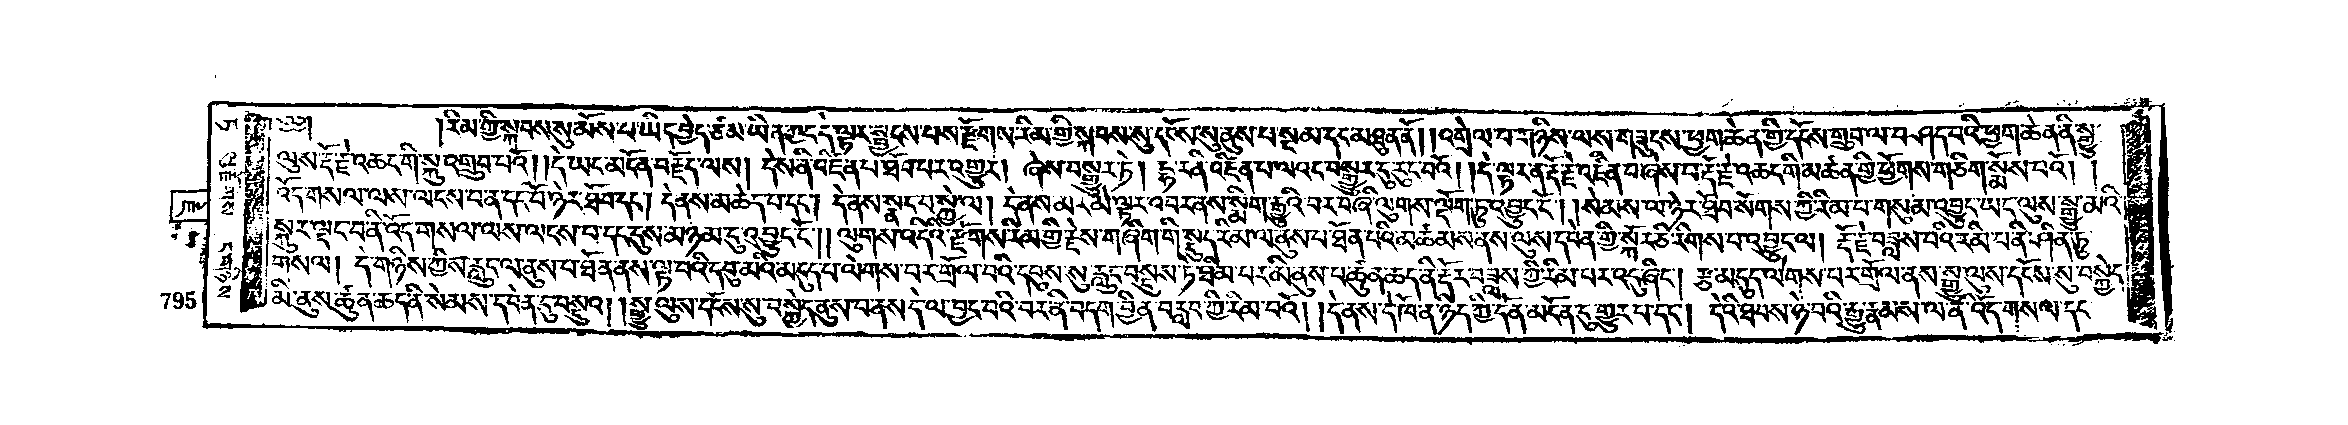༄༅། །རིམ་གྱི་སྐབས་སུ་མོས་པ་ཡིད་བྱེད་ཙམ་ཡིན་ཀྱང་དེ་ལྟར་སྦྱངས་པས་རྫོགས་རིམ་གྱི་སྐབས་སུ་དངོས་སུ་ནུས་པ་སྔ་མ་དང་མཐུན་ནོ། །འགྲེལ་བ་གཉིས་ལས་གཟུངས་ཕྱག་ཆེན་གྱི་དངོས་གྲུབ་ལ་བཤད་པའི་ཕྱག་ཆེན་ནི་སྒྱུ་
ལུས་རྡོ་རྗེ་འཆང་གི་སྐུ་འགྲུབ་པའོ། །དེ་ཡང་མངོན་བརྗོད་ལས། དེས་ནི་འཛིན་པ་ཐོབ་པར་འགྱུར། ཞེས་བསྒྱུར་ཏེ། དྷ་ར་ནི་འཛིན་པ་ལའང་བསྒྱུར་དུ་རུང་བའོ། །དེ་ལྟར་ན་རྡོ་རྗེ་འཛིན་པ་ཞེས་པ་རྡོ་རྗེ་འཆང་གི་མཚན་གྱི་ཕྱོགས་གཅིག་སྨོས་པའོ། །
འོད་གསལ་ལས་ལངས་པ་ན་དང་པོ་ཉེར་ཐོབ་དང་། དེ་ནས་མཆེད་པ་དང་། དེ་ནས་སྣང་བ་སྐྱེ་ལ། དེ་ནས་མར་མེ་ལྟར་འབར་ནས་སྨིག་རྒྱུའི་བར་བཞི་ལུགས་ལྡོག་ཏུ་འབྱུང་ངོ། །སེམས་ལ་ཉེར་ཐོབ་སོགས་ཀྱི་རིམ་པ་གསུམ་འབྱུང་ཡང་ལུས་སྒྱུ་མའི་
སྐུར་ལྡང་བ་ནི་འོད་གསལ་ལས་ལངས་པ་དང་དུས་མཉམ་དུ་འབྱུང་ངོ། །ལུགས་འདིའི་རྫོགས་རིམ་གྱི་རྗེས་གཞིག་གི་སྡུད་རིམ་ལ་ནུས་པ་ཐོན་པའི་མཚམས་ནས་ལུས་དབེན་གྱི་སྐོར་ཅི་རིགས་པ་འབྱུང་ལ། རྡོ་རྗེ་བཟླས་པའི་རིམ་པ་ནི་ཤིན་ཏུ་
གསལ། དེ་གཉིས་ཀྱིས་རླུང་ལ་ནུས་པ་ཐོན་ནས་ལྟ་བའི་དབུ་མའི་མདུད་པ་ལེགས་པར་གྲོལ་བའི་དབུས་སུ་རླུང་བསྡུས་ཏེ་ཐིམ་པར་མི་ནུས་པ་ཚུན་ཆད་ནི་རྡོར་བཟླས་ཀྱི་རིམ་པར་འདུ་ཞིང་། རྩ་མདུད་ལེགས་པར་གྲོལ་ནས་སྒྱུ་ལུས་དངོས་སུ་བསྐྱེད་
མི་ནུས་ཚུན་ཆད་ནི་སེམས་དབེན་དུ་བསྡུའོ། །སྒྱུ་ལུས་དངོས་སུ་བསྐྱེད་ནུས་པ་ནས་དེ་ལ་བྱང་བའི་བར་ནི་བདག་བྱིན་བརླབ་ཀྱི་རིམ་པའོ། །དེ་ནས་དེ་ཁོ་ན་ཉིད་ཀྱི་དོན་མངོན་དུ་གྱུར་པ་དང་། དེའི་ཐབས་ཉེ་བའི་རྒྱུ་རྣམས་ལ་ནི་འོད་གསལ་དང་